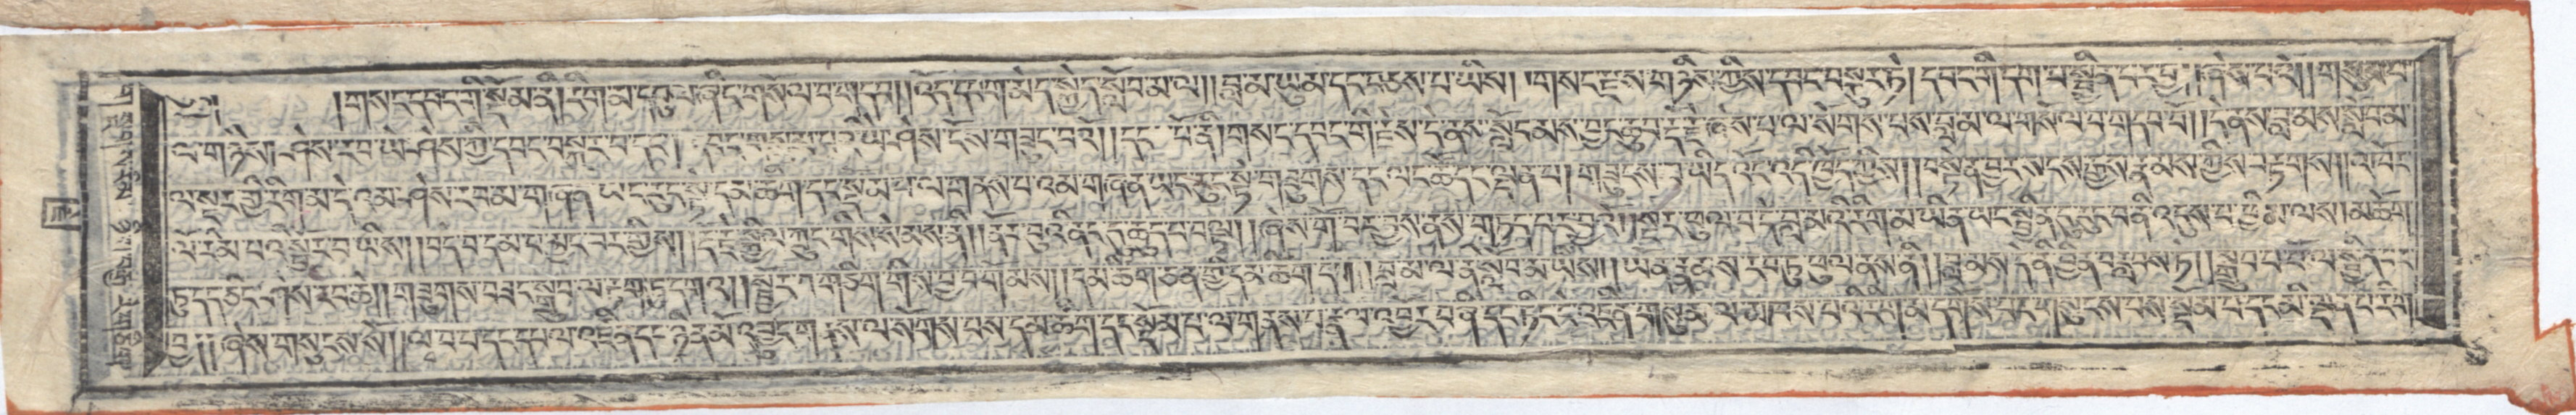༄༅། །གསང་དབང་གི་སྡོམ་ནི། རིག་མ་དབུལ་ཞིང་གསོལ་བ་གདབ། །འོད་དཔག་མེད་སྐྱེད་སློབ་མ་ལ། །བླ་མ་ཡུམ་དང་བཅས་པ་ཡིས། །གསང་རྫས་གཉིས་ཀྱིས་དབང་བསྐུར་ཏེ། དབང་གི་དག་པ་སྦྱིན་པར་བྱ། །ཞེས་པའོ། །གསུམ་པ་
ལ་གཉིས། ཤེས་རབ་ཡེ་ཤེས་ཀྱི་དབང་བསྐུར་བ་དང་། དབང་གསུམ་པའི་ཡེ་ཤེས་ངོས་གཟུང་བའོ། །དང་པོ་ནི། གསང་དབང་གི་རྗེས་དེ་ནས་སློབ་མས་བྱང་ཆུབ་རྡོ་རྗེ་ཞེས་པ་ལ་སོགས་པས་བླ་མ་ལ་གསོལ་བ་གདབ་བོ། །དེ་ནས་བླ་མས་སློབ་མ་
ལ་སྔར་གྱི་རིག་མ་དེ་འམ་ཤེས་རབ་མ་གཞན་ཡང་རུང་སྟེ་དམ་ཚིག་དང་སྡོམ་པ་ལ་གནས་པ་འམ་གཞན་ཡང་རུང་སྟེ་གཟུགས་དང་ལང་ཚོ་དང་ལྡན་པ། གཟུངས་པ་ཡིད་འོང་འདི་ཁྱོད་ཀྱིས། །བསྟེན་བྱར་སངས་རྒྱས་རྣམས་ཀྱིས་བརྟགས། །འཁོར་
ལོ་རིམ་པའི་སྦྱོར་བ་ཡིས། །བདེ་བ་དམ་པ་མྱང་བར་གྱིས། །རྡོ་རྗེ་སྐྱིལ་ཀྲུང་གིས་སེམས་ནི། །ནོར་བུའི་ནང་དུ་ཆུད་པ་བལྟ། །ཞེས་གོ་བར་བྱས་ནས་གཏད་པར་བྱའོ། །སྔར་ཕུལ་བ་དེ་བླ་མའི་རིག་མ་ཡིན་ཡང་སྦྱིན་དུ་རུང་བ་ནི་འདུས་པ་ཕྱི་མ་ལས། མཆོག་
ཏུ་དད་ཅིང་ཤེས་རབ་ཆེ། །གཟུགས་བཟང་སྒྲུབ་ལ་རྟག་ཏུ་དགའ། །སྦྱོར་བ་གཅིག་གིས་བྱ་བ་གོམས། །དམ་ཚིག་ཅན་གྱི་དམ་ཚིག་དག །བླ་མ་ལ་ནི་སློབ་མ་ཡིས། །ཡོན་རྣམས་རབ་ཏུ་ཕུལ་ནས་ནི། །བླ་མས་དེ་ནི་བྱིན་བརླབས་ཏེ། །སྒྲུབ་པ་པོ་ལ་སྦྱིན་པར་
བྱ། །ཞེས་གསུངས་སོ། །ལྭ་བ་པ་དང་དཔལ་འཛིན་དང་ཉིན་མོ་འབྱུང་གནས་ལ་སོགས་པས་དམ་ཚིག་དང་སྡོམ་པ་ལ་གནས་པ་རྣལ་འབྱོར་བཞི་དང་ཏིང་ངེ་འཛིན་གསུམ་ལ་མཁས་པའི་རིག་མ་དགོས་པར་གསུངས་པས་སྡོམ་པ་དང་མི་ལྡན་པ་རིག་